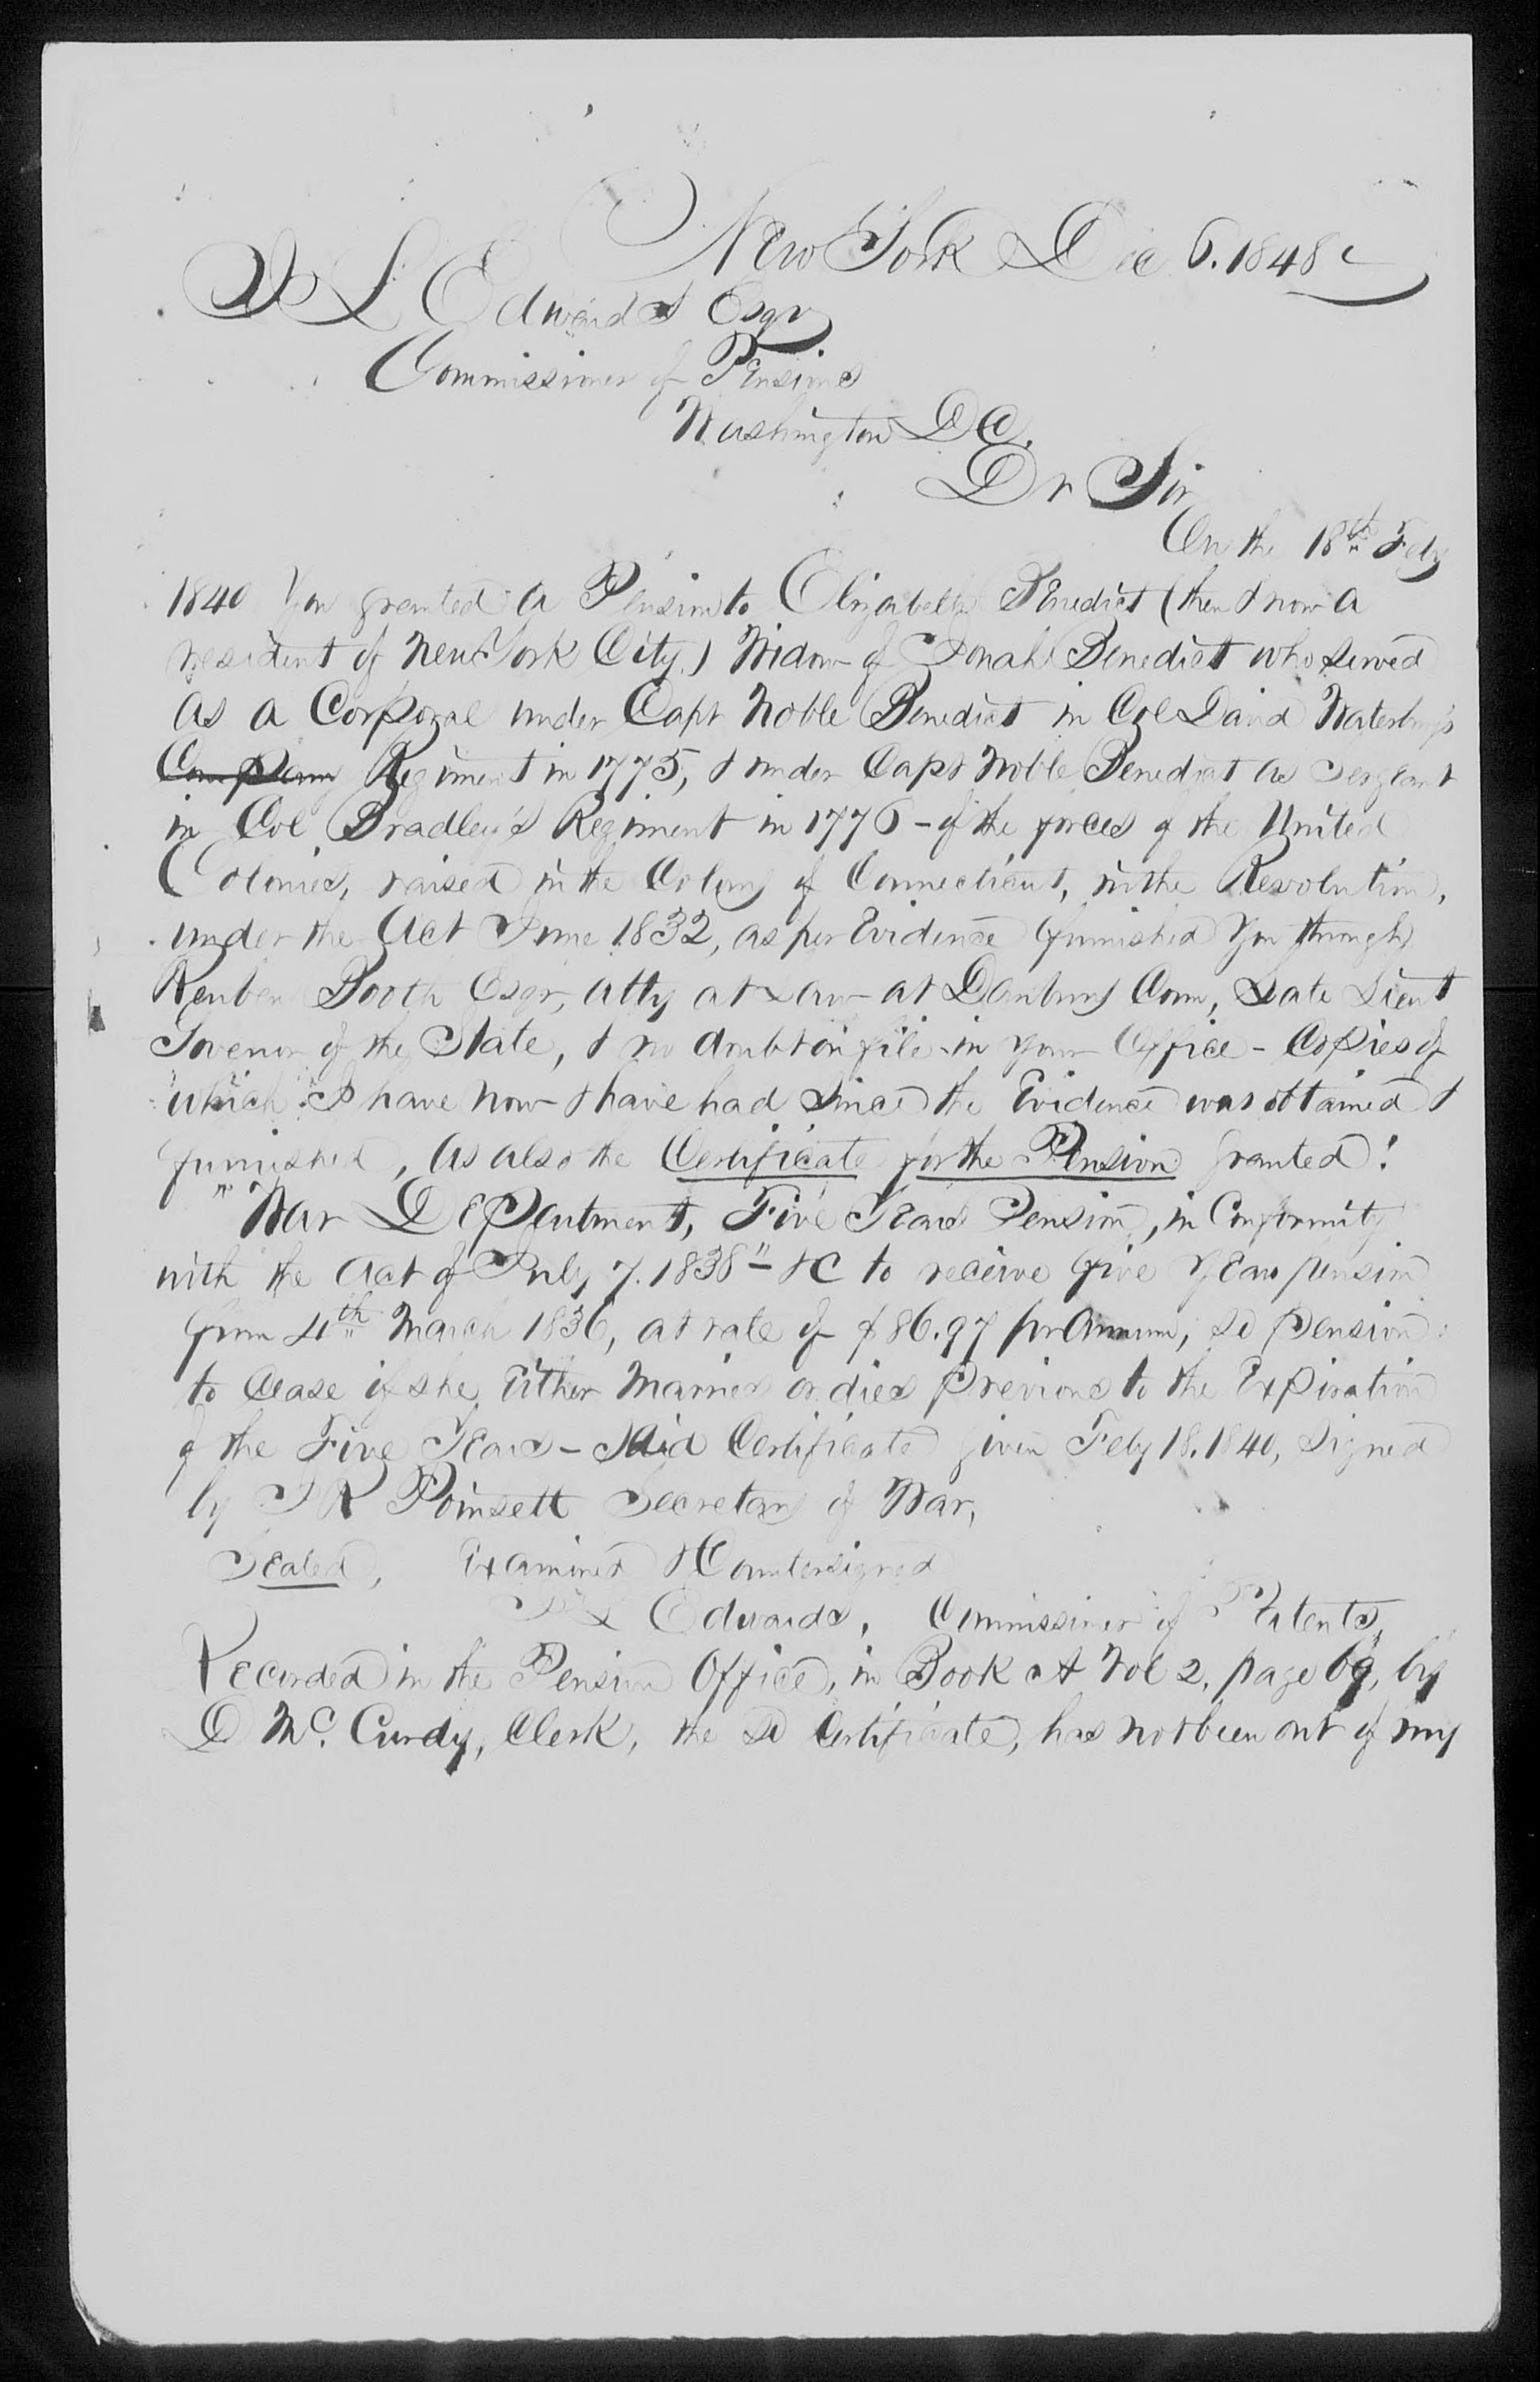New York Dec 6,. 1848-
J L Edwards Esqr
Commissioner of Pensions
                 Washington DC.
                                               Dr Sir
                                                                       On the 18th Feby
1840 you granted a Pension to Elizabeth Benedict (then & now a
resident of New York City), Widow of Jonah Benedict who served
as a Corporal under Capt Noble Benedict in Col David Waterbury's
Regiment in 1775, & under Capt Noble Benedict as Sergeant
in Col. Bradley's Regiment in 1776 of the forces of the United
Colonies, raised in the Colony of Connecticut, in the Revolution
under the Act June 1832, as per Evidence furnished you through
Reuben Booth Esqr, Atty at Law at Danbury Conn, Late Lieut
Governor of the State, & no doubt on file in your Office. Copies of
which I have now & have had since the evidence was obtained &
furnished, as also the Certificate for the Pension granted!
     "War Department, Five Years Pension, in conformity
with the act of July 7 1838" &c to receive five years pension
1
from 4th March 1836, at rate of $86.97 premium, so pension.
to cease if she Either Marries or died previous to the Expiration
of the five years - said Certificate given Feby 18, 1840, Signed
by J R Poinsett Secretary of War
Sealed     Examined & Countersigned
                   J L Edwards,   Commissioner of Patents
Recorded in the Pension Office, in Book A Vol 2, page 69, by
D McCurdy, Clerk, the sd Certificate, has not been out of my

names: Jonah Benedict, Elizabeth Benedict, Reuben Booth, Noble Benedict, J R Poinsett, J L Edwards, Noble Benedict, J L Edwards, L Mccurdy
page: 34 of 56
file: [ILLEGIBLE], Jonah Benedict, Conn.